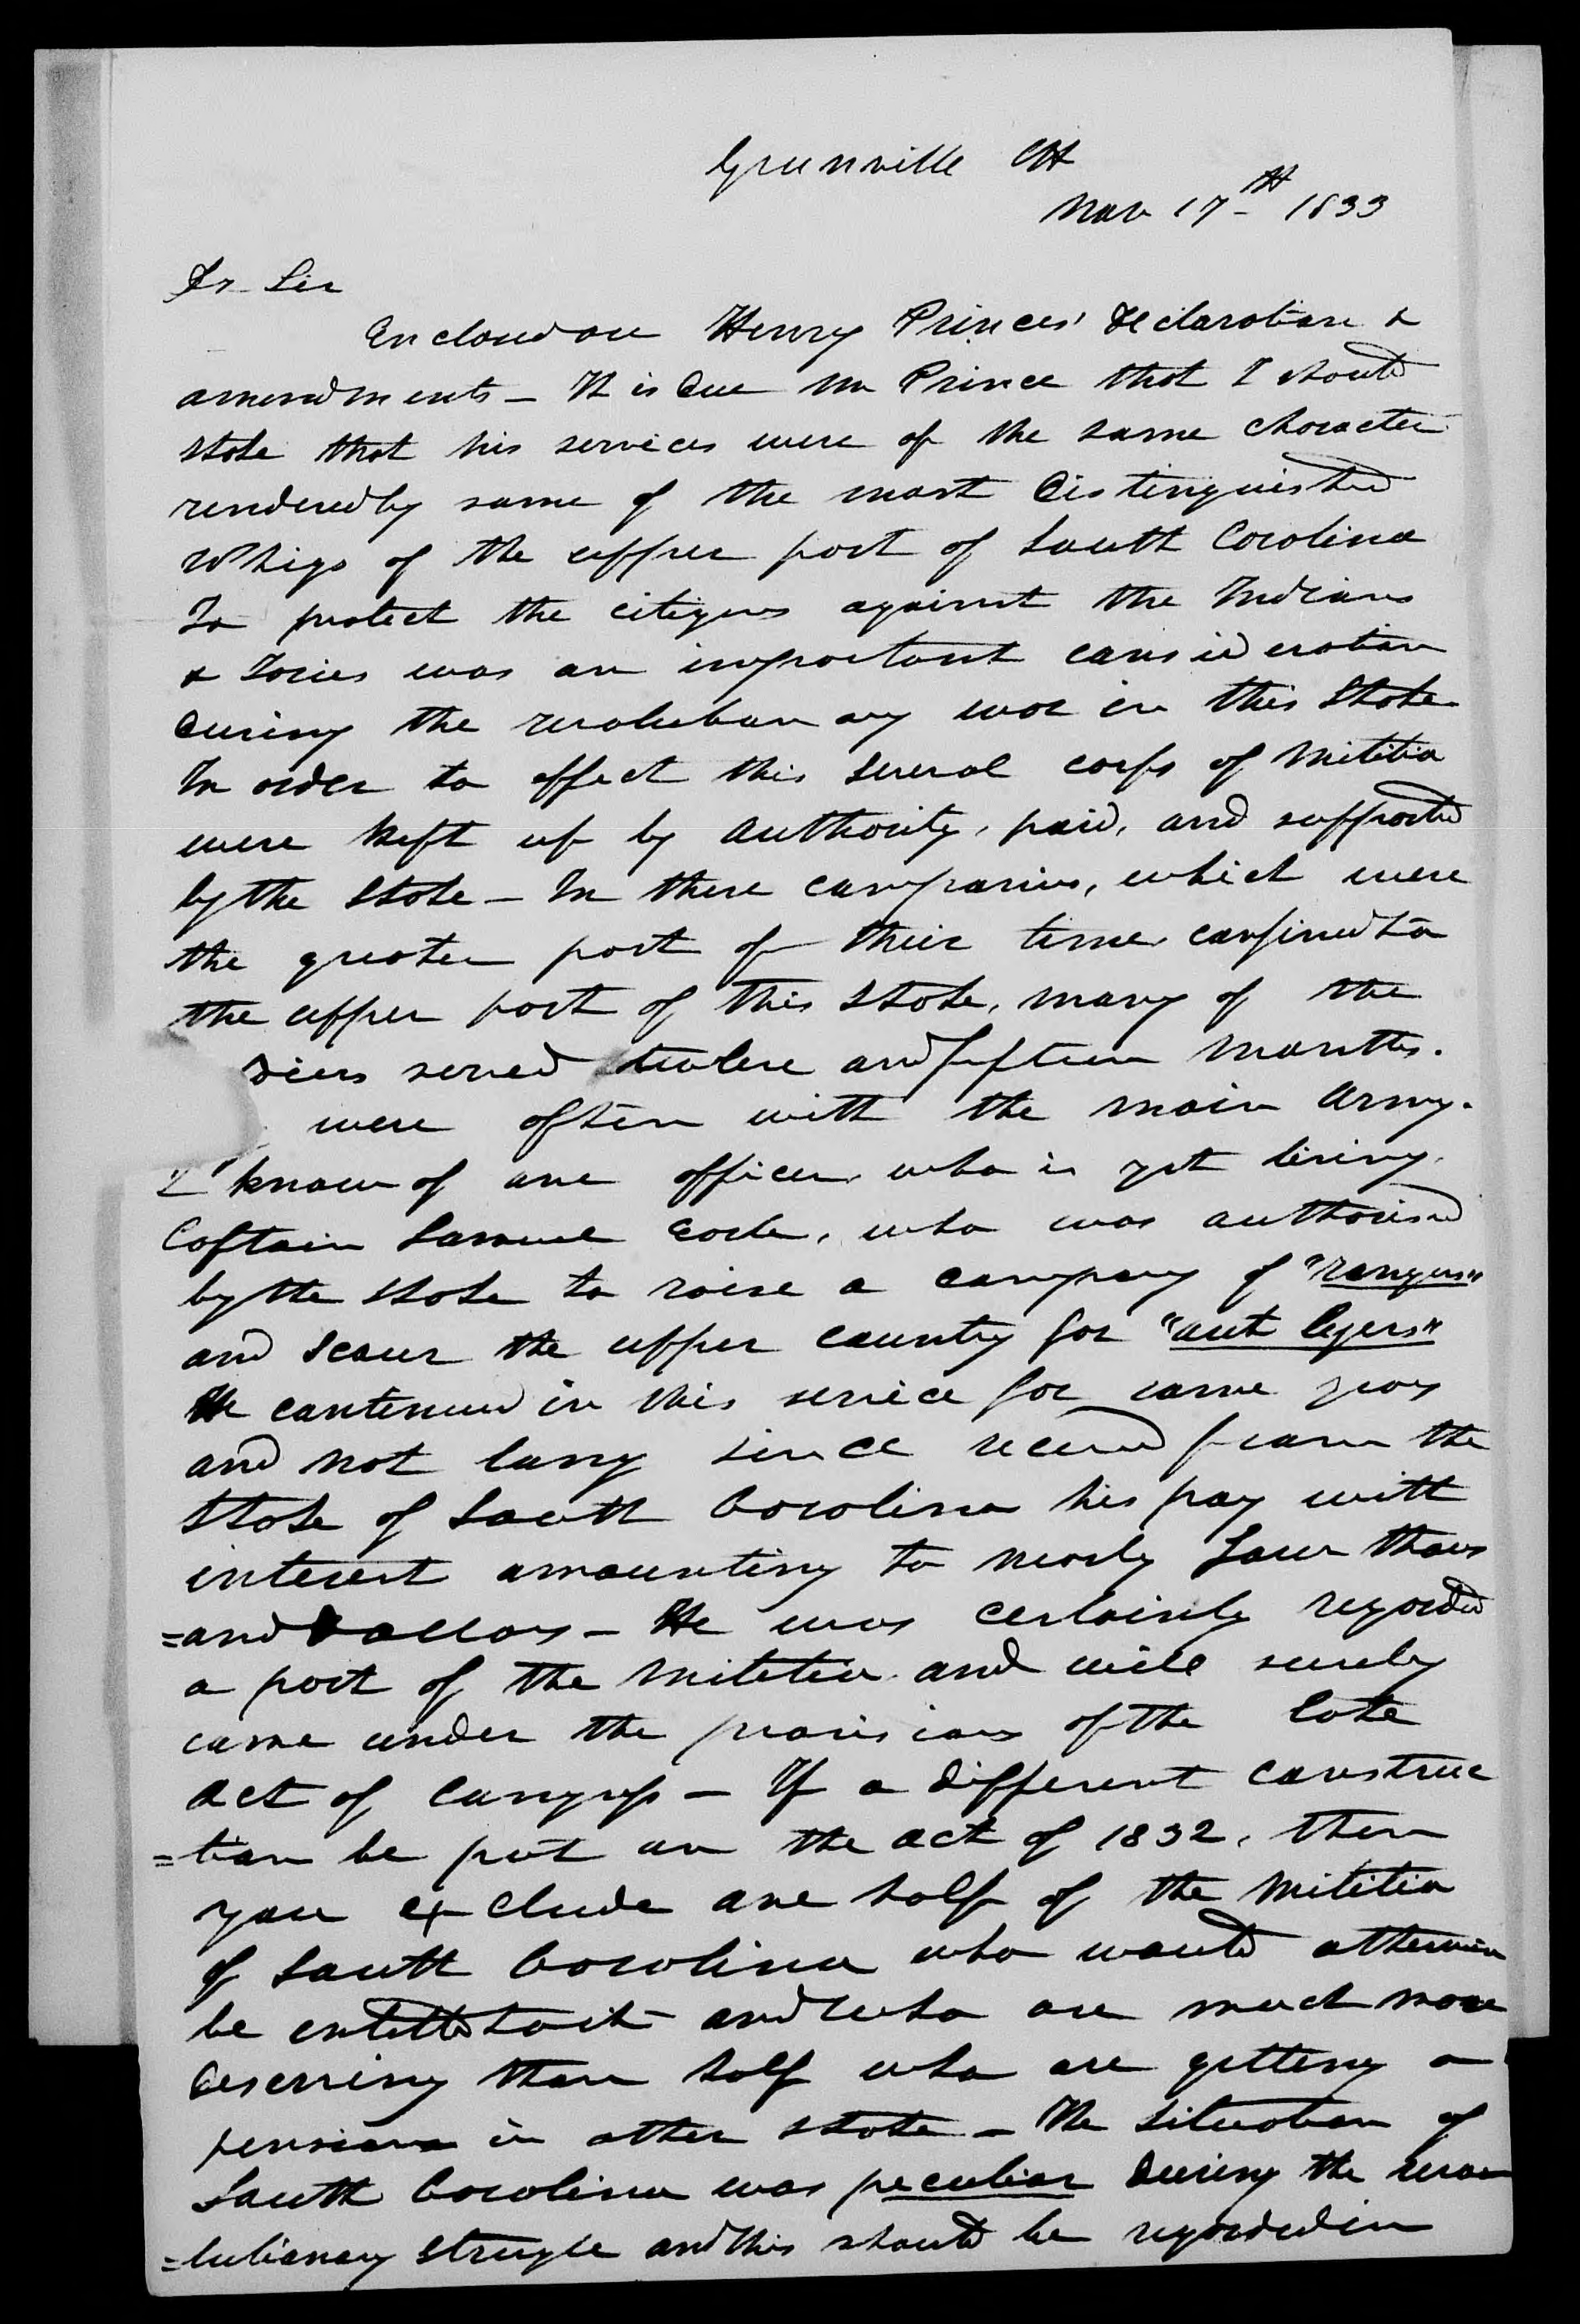Greenville CH Nov 17th 1833   Dr. Sir. Enclosed are Henry Prince's declaration  & amendments - it is due Mr. Prince that I  should state that his services were of the same character rendered by some of the most  distinguished  Whigs of the  upper part of South Carolina To protect the citizens against the Indians  & Tories was an important cases is certain during the revolutionary war in this State. In order to affect this several corps of Militia were kept up by authority , paid, and supported by the State - In these companies, which were the  greater part of their time confined  to the upper part of this State, many of the  .. ( illegible ) served  twelve and fifteen months. .. ( missing ) were often  with the main army. I know of  one officer who is yet living , Captain Samuel Earle , who was authorized by the State to raise a company of  " rangers" and scour the  upper country  for  "out  lyers" He continued in this service for some years and not long since received from the State of South Carolina his pay with interest amounting to nearly four thousand dollars - He was certainly regarded a part of the Militia and will  surely come under the provisions of the late act of Congress - If a different  constriction be put on the act of 1832, then you exclude one half of the  Militia of South Carolina who would otherwise be entitled such - and who are much more deserving than half who are getting pensions in other states - The situation of South Carolina was peculiar during the revolutionary struggle and this could be regarded in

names: Henry Prince; Samuel Clock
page: 18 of 23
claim: survivor's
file: S. 18,168, for Henry Prince, South Carolina